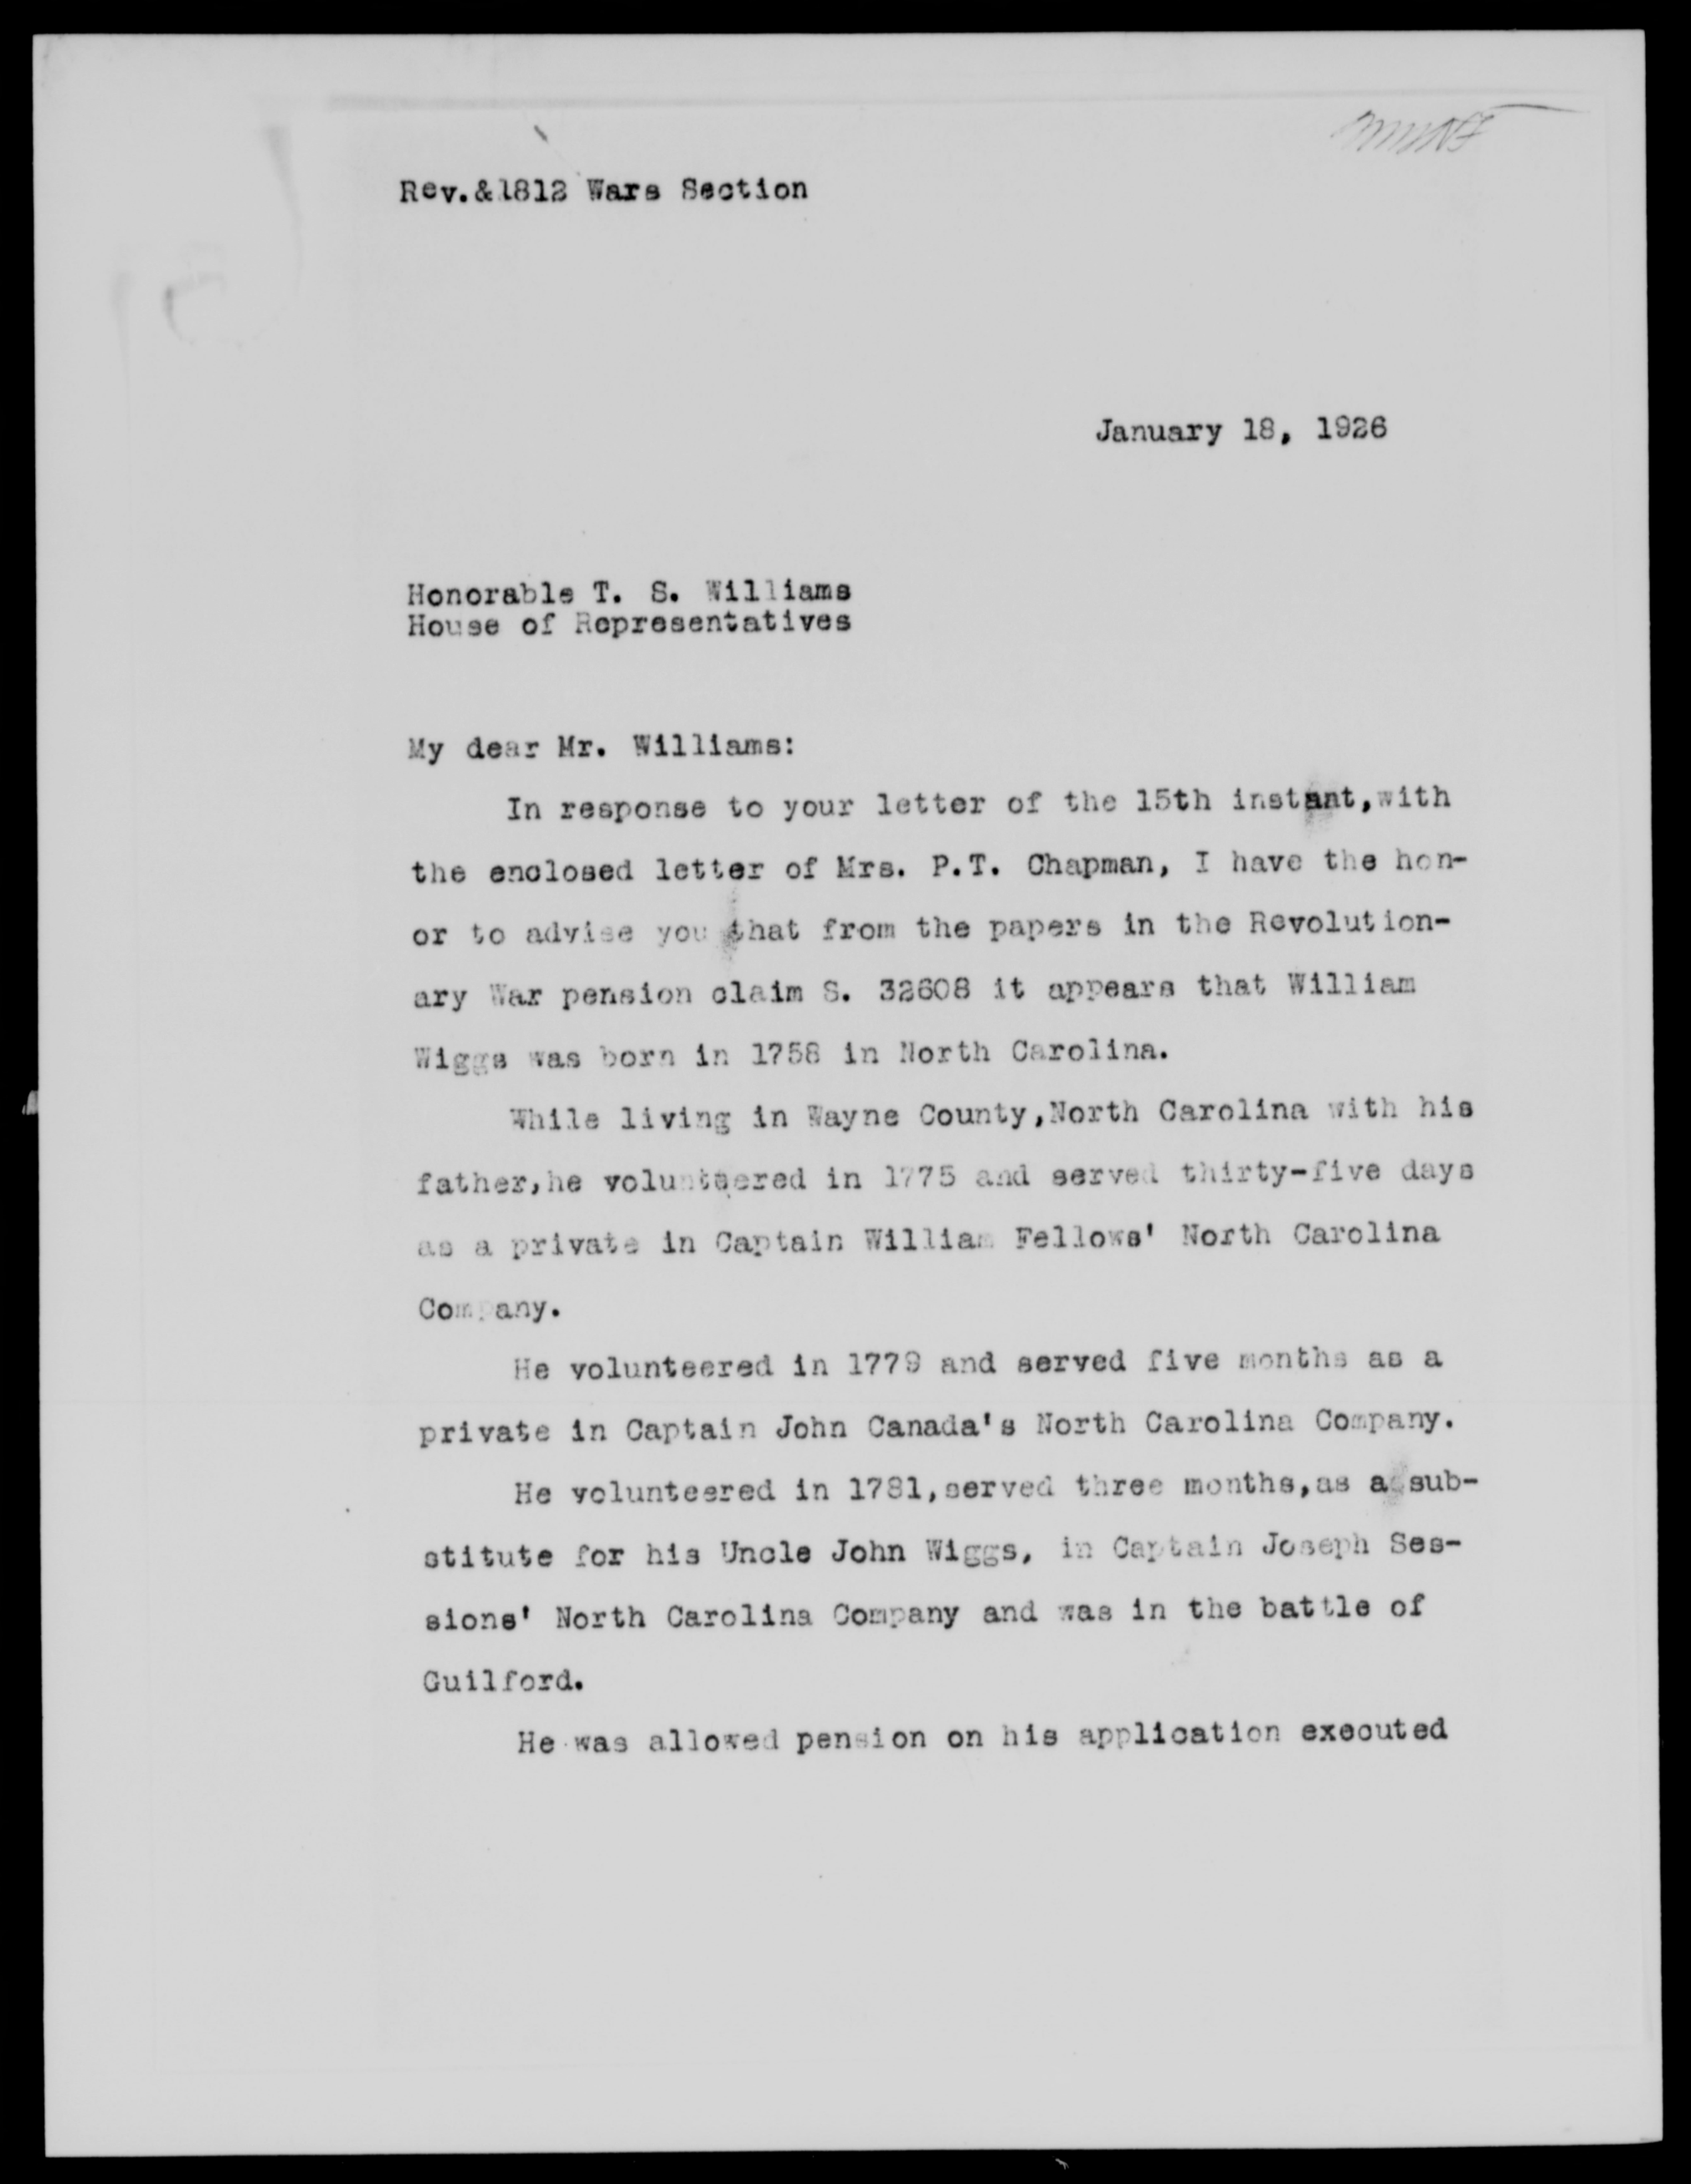WMNF

Rev. & 1812 Wars Section

January 18, 1926

Honorable T. S. Williams
House of Representatives

My dear Mr. Williams:
In response to your letter of the 15th instant, with
the enclosed letter of Mrs. P. T. Chapman, I have the hon-
or to advise you that from the papers in the Revolution-
ary War pension claim S. 32608 it appears that William
Wiggs was born in 1758 in North Carolina.

While living in Wayne County, North Carolina with his
father, he volunteered in 1775 and served thirty-five days
as a private in Captain William Fellows' North Carolina
Company.

He volunteered in 1779 and served five months as a
private in Captain John Canada's North Carolina Company.

He volunteered in 1781, served three months, as a sub-
stitute for his Uncle John Wiggs, in Captain Joseph Ses-
sions’ North Carolina Company and was in the battle of
Guilford.

He was allowed pension on his application executed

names: P T Chapman, T S Williams, John Wiggs, William Wiggs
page: 11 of 31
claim: survivor's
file: S. 32608, William Wiggs, N.C.